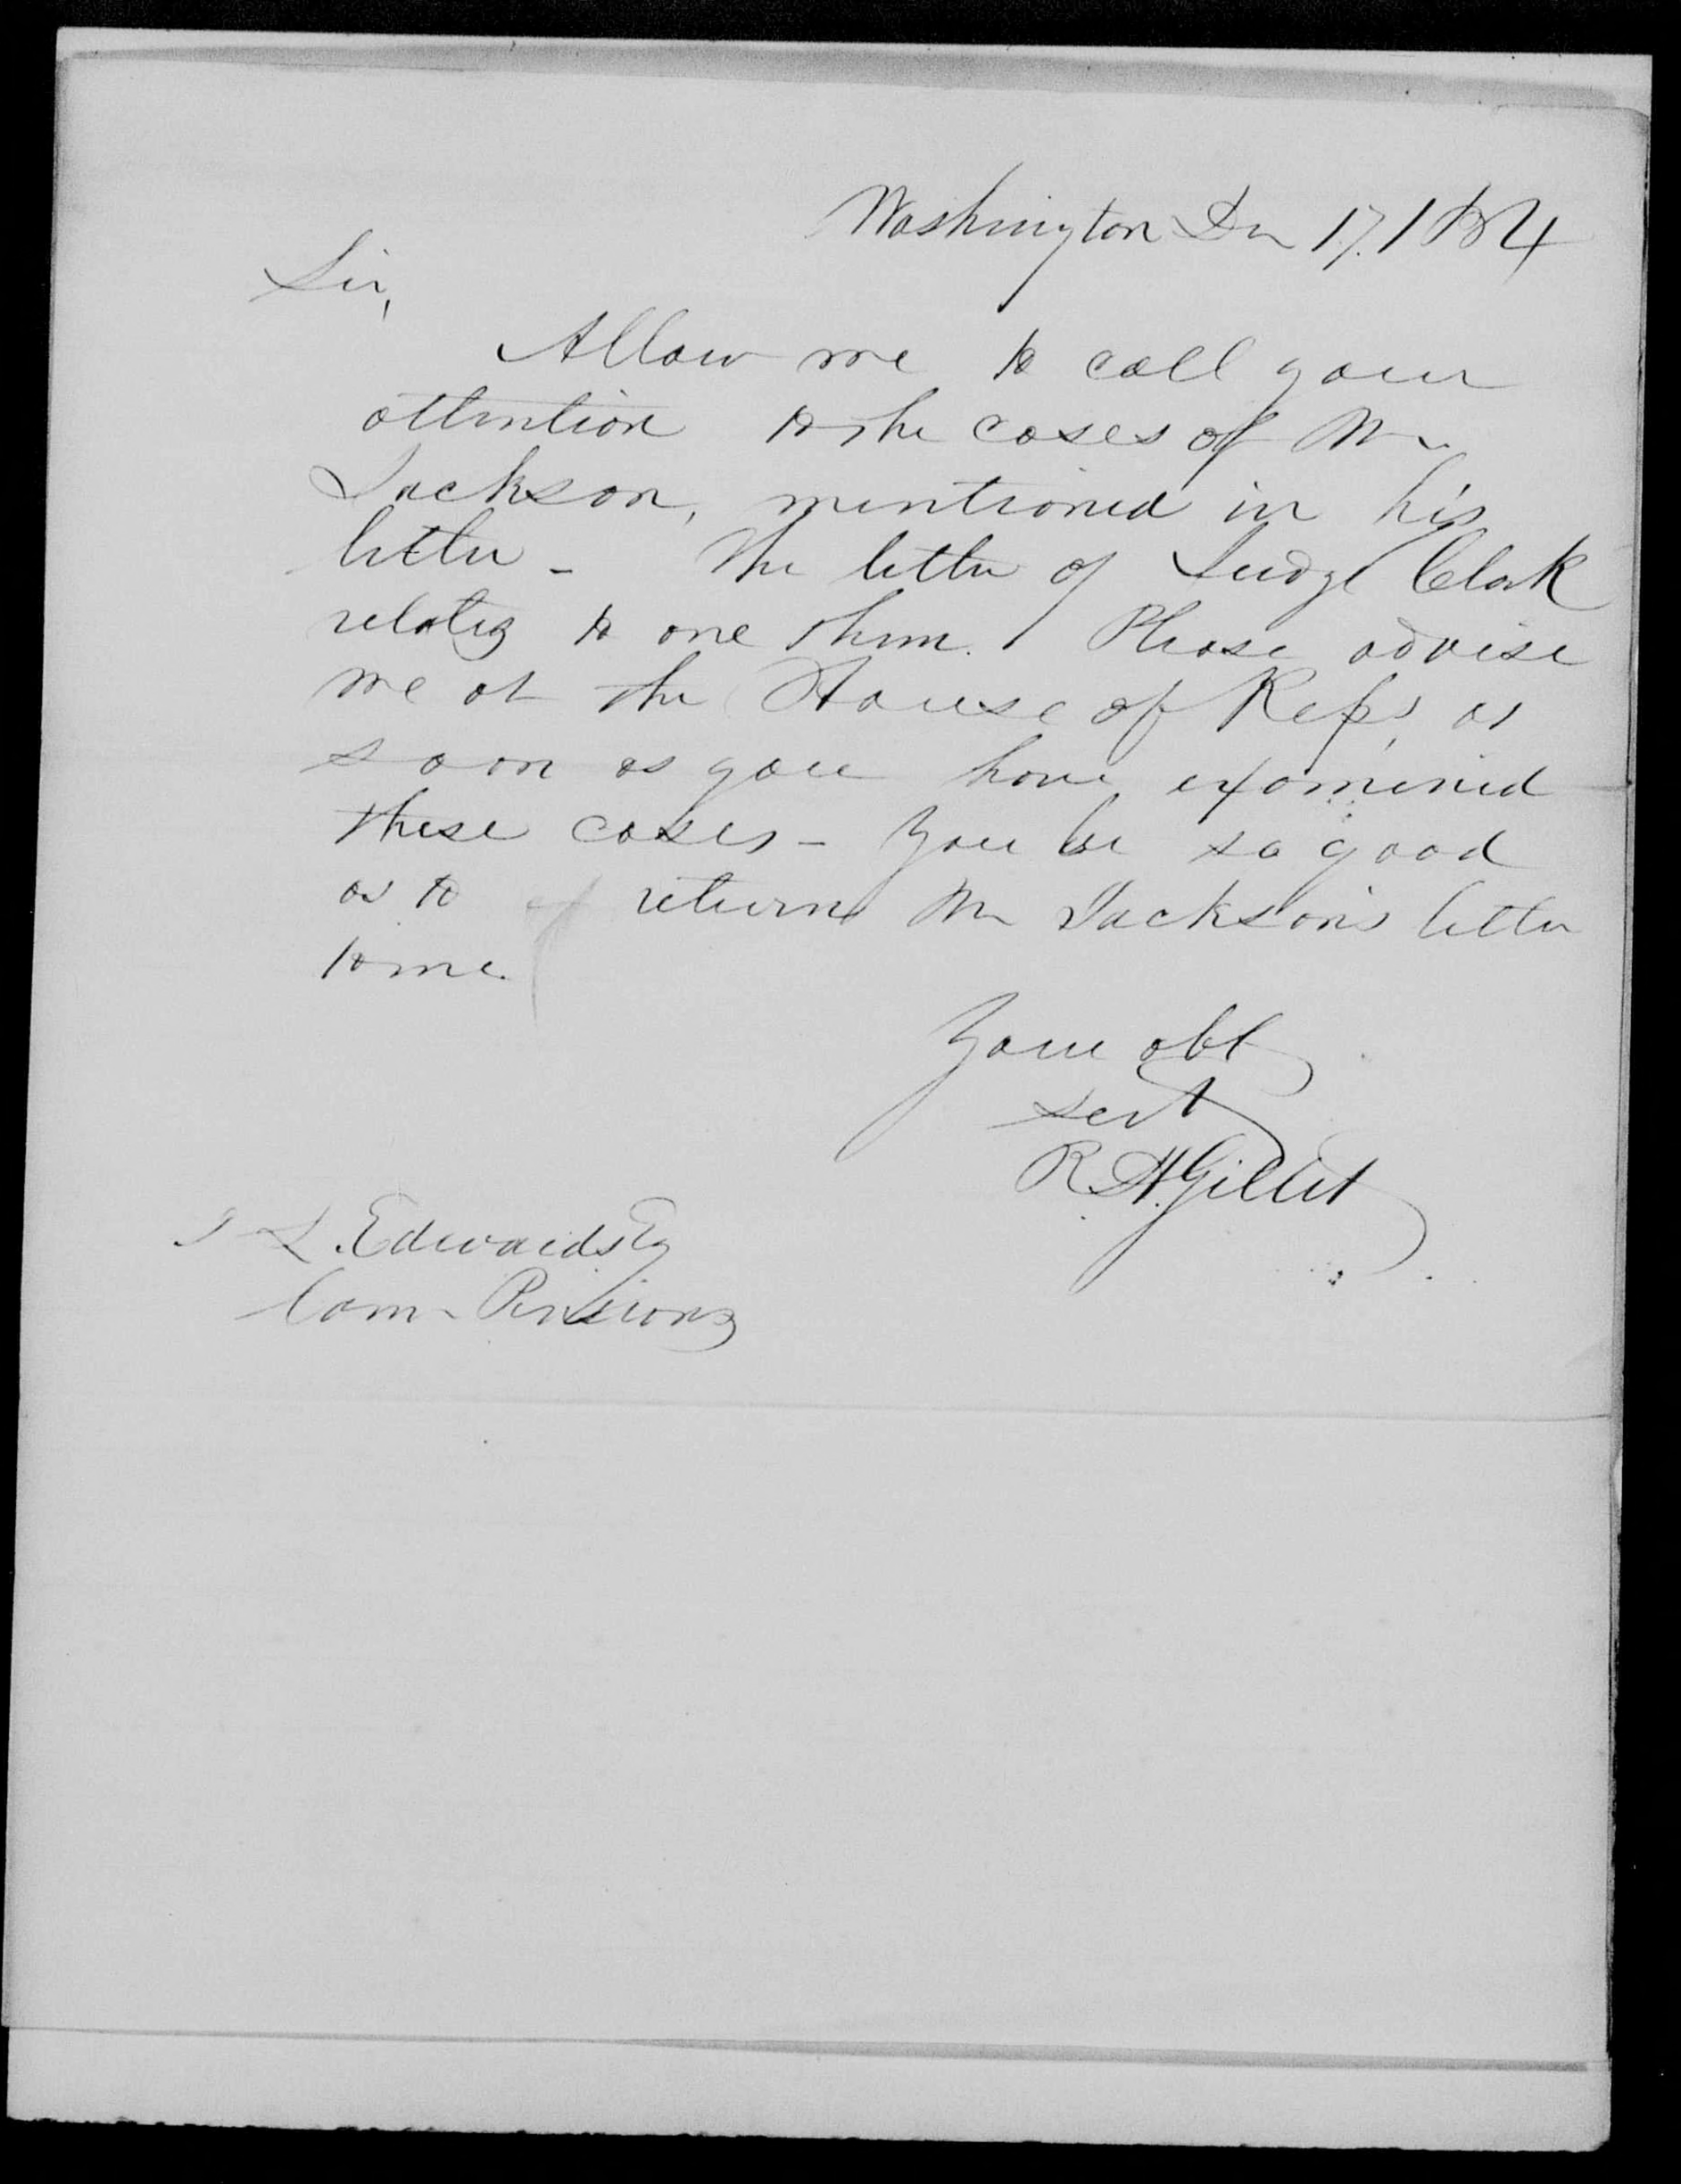Washington Dec 17, 1814
sir,
Allow me to call your attention to the cases of 
Mr. Jackson, mentioned in his
the letter. The letter of Judge Clerk
relates to one of them. Please advise me
 at the House of Reps as soon as you have examined these cases-- you be so good
as to of return Mr Jackson's letter to me
Your obt servant
R.H. Gillet

J. L. Edwards
Commissioner of Pensions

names: R H Gillet, Wm Jackson, Judge Clark, J L Edwards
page: 30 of 40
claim: rejected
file: R. 1558, Jonathan Butterfield, Mass. Vt.